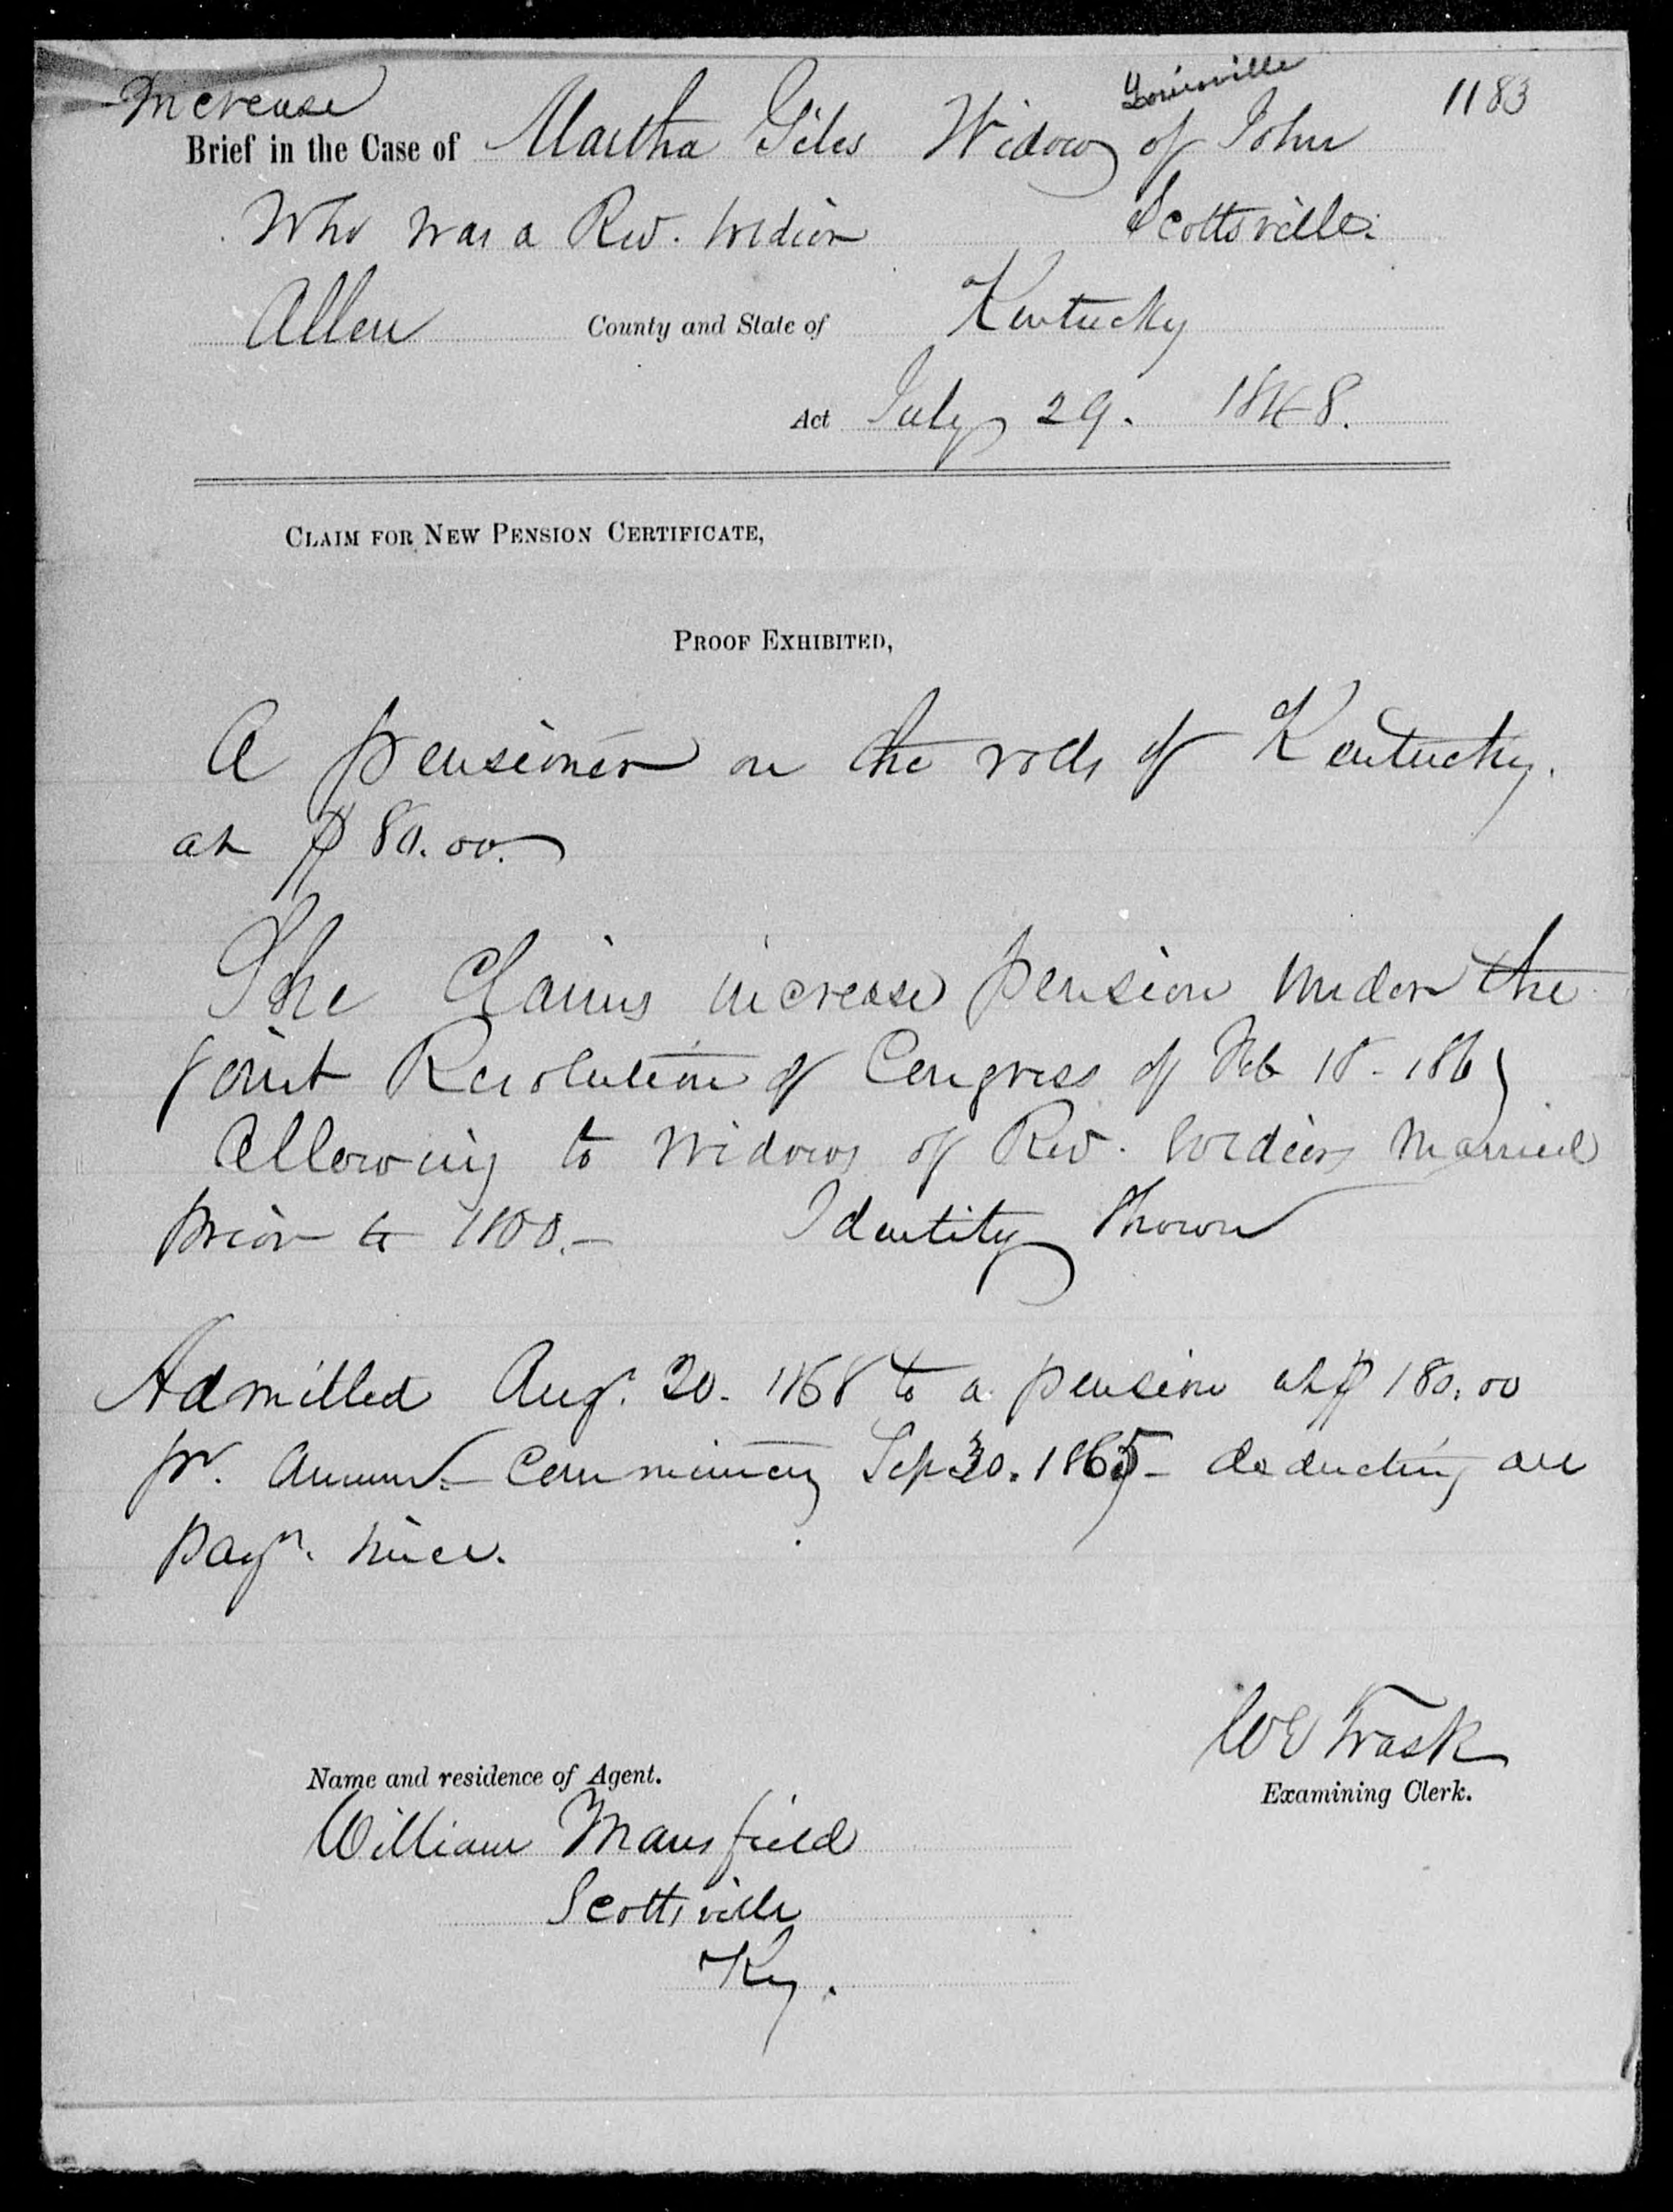1183
Louisville
Increase Brief in the case of Martha Giles Widow of John, Who was a Rev. soldier
Scottsville, Allen County and State of Kentucky
Act July 29, 1848
---------------------------------------------
CLAIM FOR NEW PENSION CERTIFICATE, 
PROOF EXHIBITED,
A pensioner on the rolls of Kentucky,
at $80.00.
The claims increase pension under the
First Resolution of Congress of Feb 10, 1861
allowing to widows of Rev. Soldiers Married
prior to 1800 - Identity Shown
Admitted Aug. 20. 1868 to a pension at $180.00 per Annum. Commencing Sep 30, 1865- deducting all Pay view.

W. e. Trask
Examining Clerk.

Name and residence of Agent
William Mansfield
Scottville
Ky.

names: William Mansfield, John, Martha Giles, W E Trask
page: 69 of 82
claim: widow's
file: W. 7,522, John Giles, N.C.